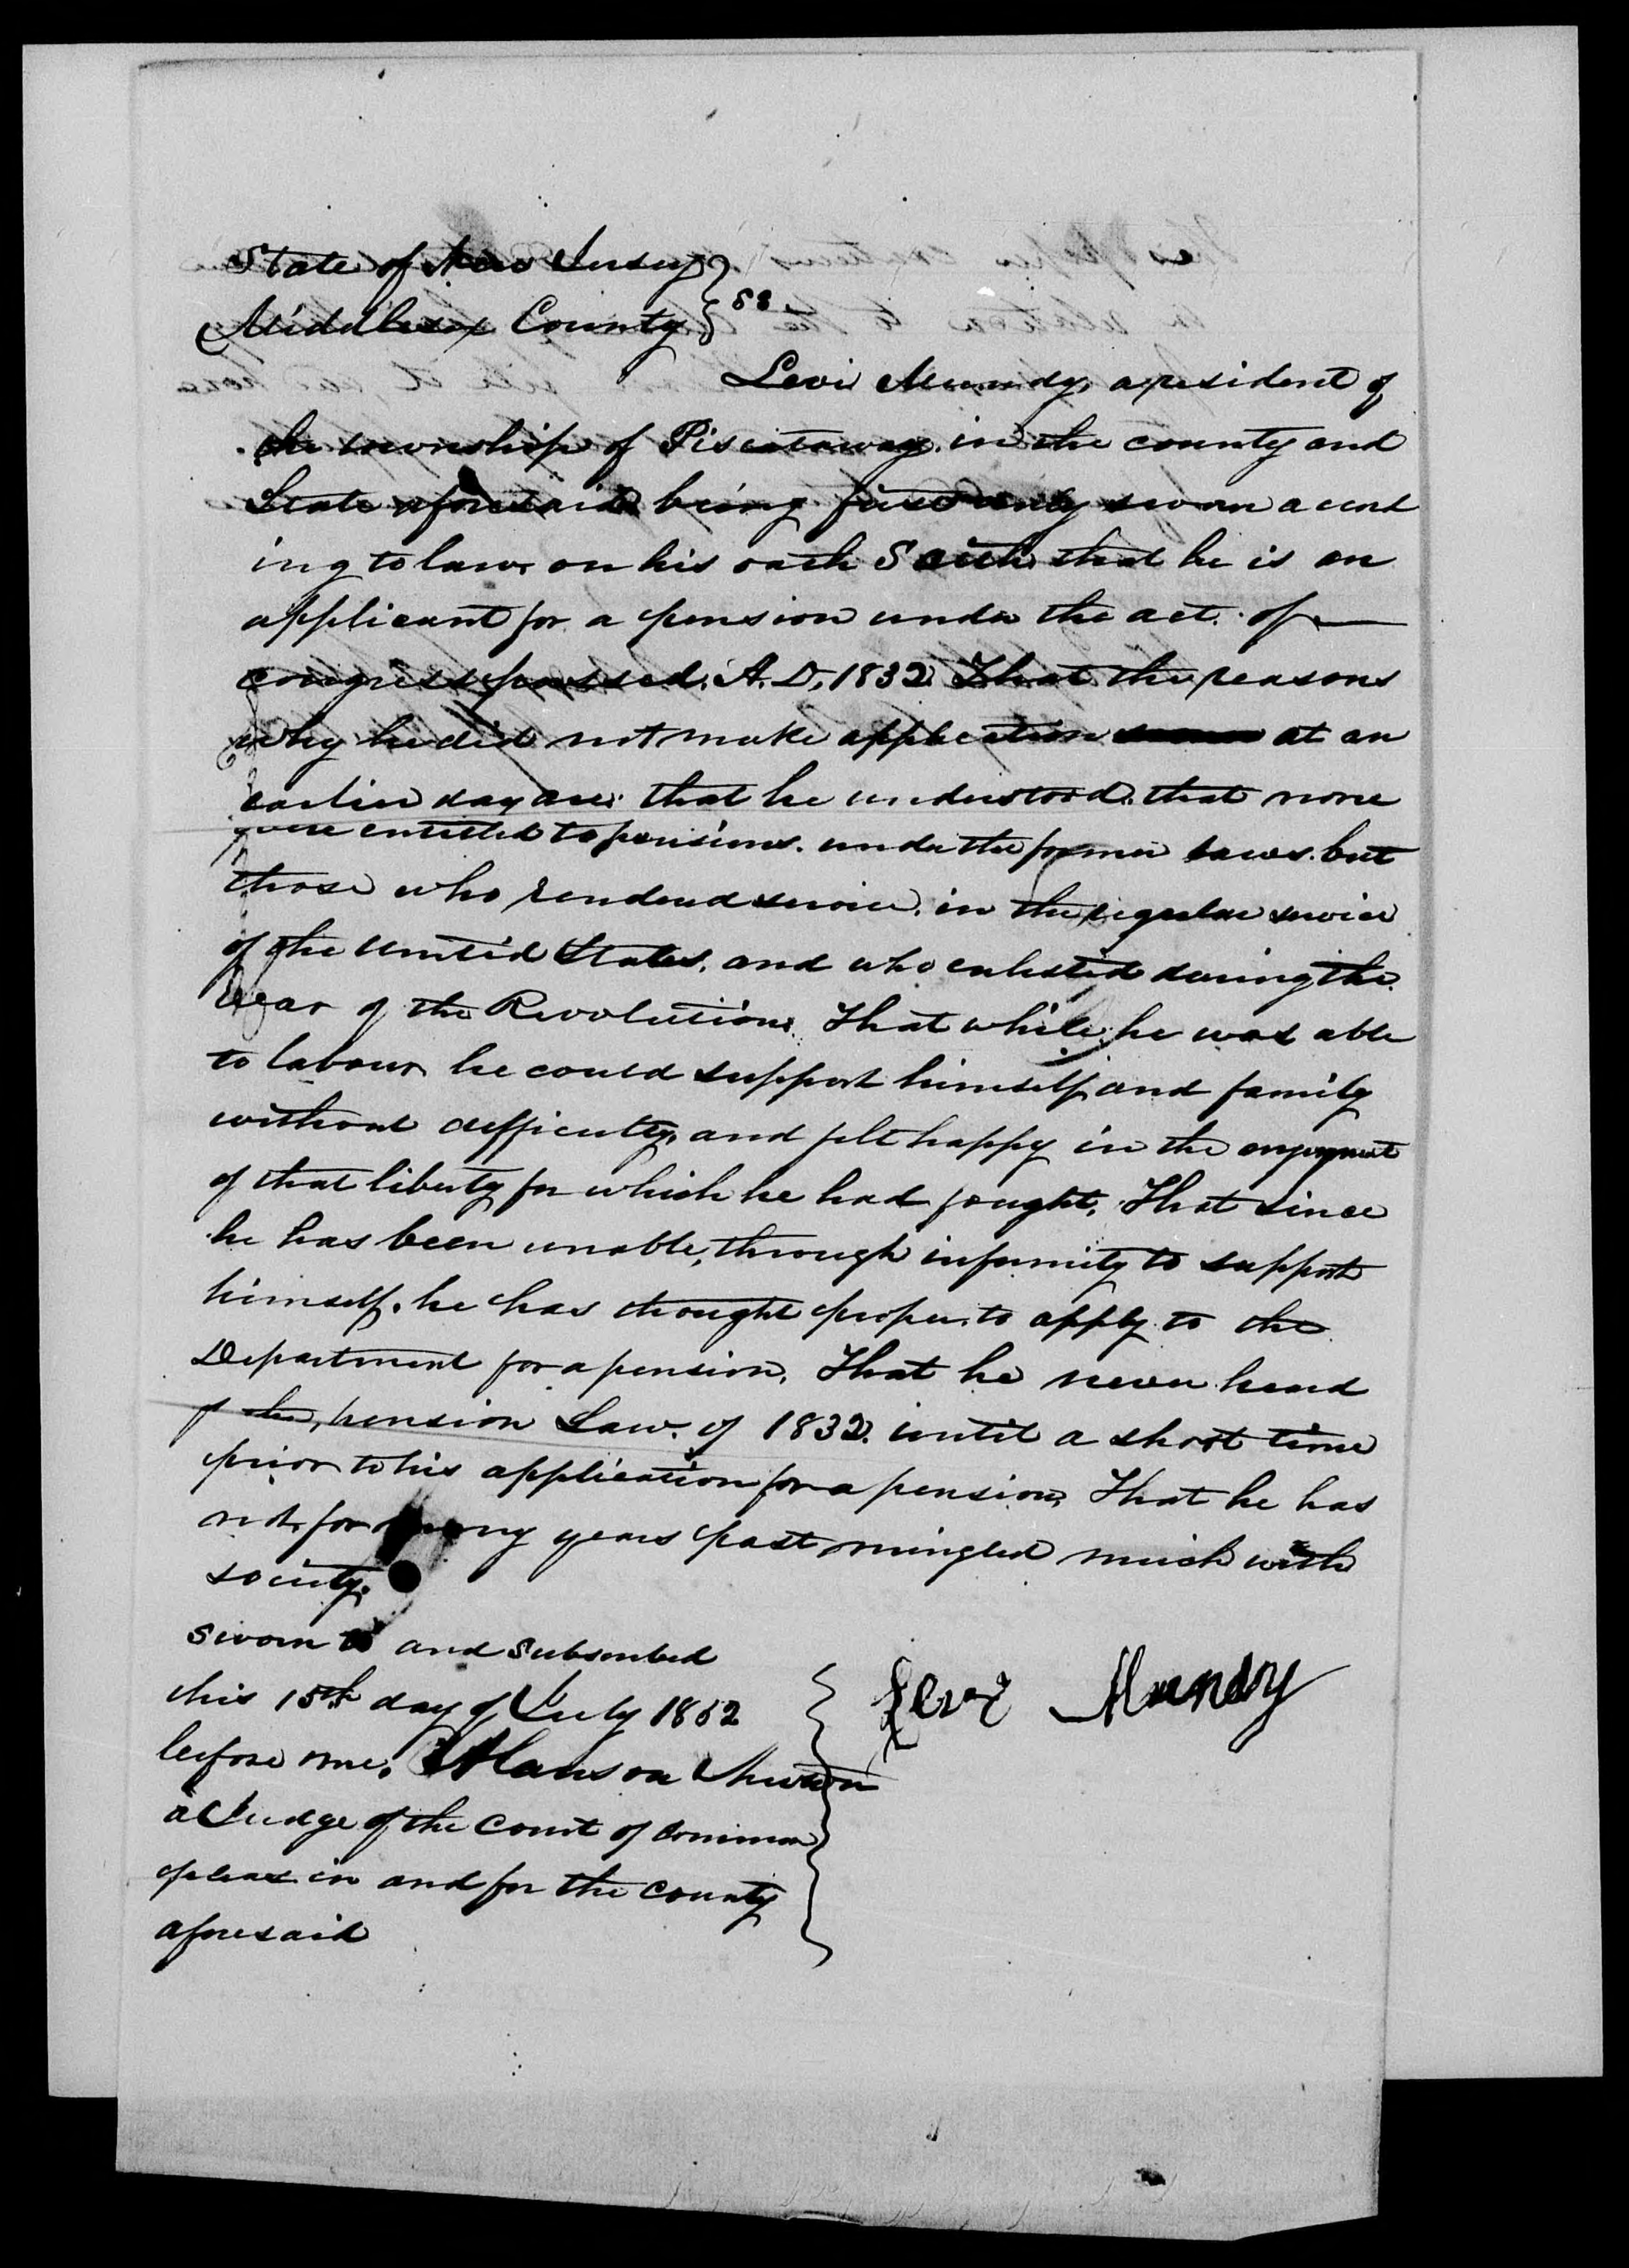State of New Jersey
Middlesex County//

Levi Mundy, a resident of the Township of Piscataway in the County and State aforesaid, being first duly sworn according to law on his oath saith that he is an applicant for a pension under the Act of Congress passed A.D. 1832. That the reasons why did not make application [crossed out: sooner] at an earlier day was that he understood that none were entitled to pensions under the former laws but those who rendered service in the regular services of the United States, and who enlisted during the War of the Revolution, that while he was able to labor he could support himself and family without difficulty, and felt happy in the enjoyment of that liberty for which he had fought. That since he has been unable, through infirmity to support himself, he has thought proper to apply to the department for a pension. That he never heard of the pension law of 1832 until a short time prior to his application for a pension. That he has not for many years past mingled much with society.
s/ Levi Mundy

Sworn to and subscribed this 15th day of July 1852 before me.
s/ Alanson Newton, a Judge of the Court of Common Pleas in and for the County aforesaid.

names: Alanson Newton; Levi Mundy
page: 68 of 95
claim: survivor's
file: S 2889, for Levi Mundy, New Jersey